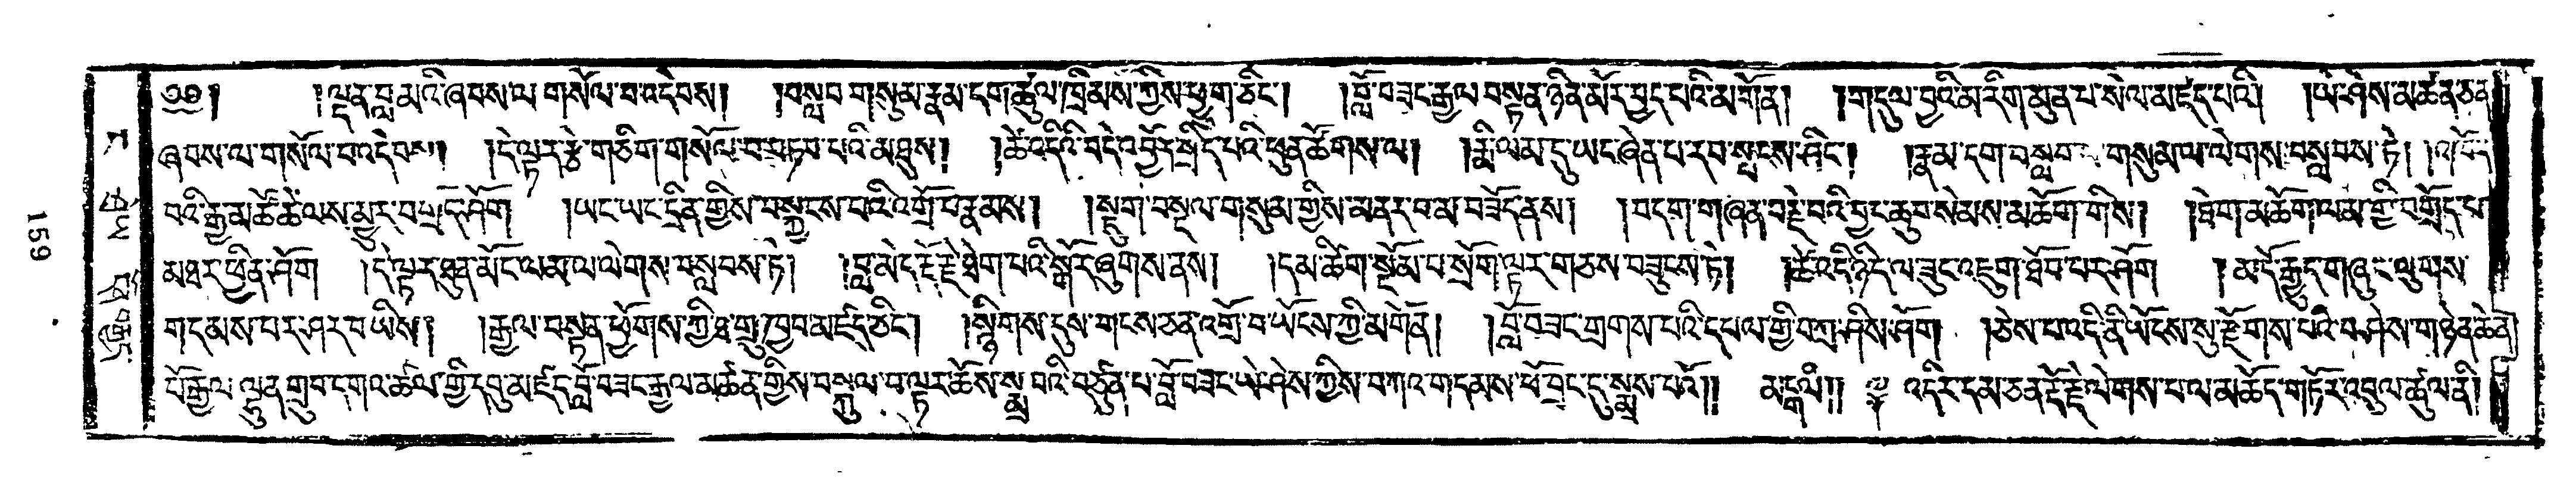༄༅། །ལྡན་བླ་མའི་ཞབས་ལ་གསོལ་བ་འདེབས། །བསླབ་གསུམ་རྣམ་དག་ཚུལ་ཁྲིམས་ཀྱིས་ཕྱུག་ཅིང་། །བློ་བཟང་རྒྱལ་བསྟན་ཉིན་མོར་བྱད་པའི་མགོན། །གདུལ་བྱའི་མ་རིག་མུན་པ་སེལ་མཛད་པའི། །ཡེ་ཤེས་མཚན་ཅན་
ཞབས་ལ་གསོལ་བ་འདེབས། །དེ་ལྟར་རྩེ་གཅིག་གསོལ་བ་བཏབ་པའི་མཐུས། །ཚེ་འདིའི་བདེ་འབྱོར་སྲིད་པའི་ཕུན་ཚོགས་ལ། །རྨི་ལམ་དུ་ཡང་ཞེན་པ་རབ་སྤངས་ཤིང་། །རྣམ་དག་བསླབ་པ་གསུམ་ལ་ལེགས་བསླབས་ཏེ། །འཁོར་
བའི་རྒྱ་མཚོ་ཆེ་ལས་མྱུར་བགྲོད་ཤོག །ཡང་ཡང་དྲིན་གྱིས་བསྐྱངས་པའི་འགྲོ་བ་རྣམས། །སྡུག་བསྔལ་གསུམ་གྱིས་མནར་བ་མ་བཟོད་ནས། །བདག་གཞན་བརྗེ་བའི་བྱང་ཆུབ་སེམས་མཆོག་གིས། །ཐེག་མཆོག་ལམ་གྱི་བགྲོད་པ་
མཐར་ཕྱིན་ཤོག །དེ་ལྟར་ཐུན་མོང་ལམ་ལ་ལེགས་བསླབས་ཏེ། །བླ་མེད་རྡོ་རྗེ་ཐེག་པའི་སྒོར་ཞུགས་ནས། །དམ་ཚིག་སྡོམ་པ་སྲོག་ལྟར་གཅས་བཟུངས་ཏེ། །ཚེ་འདི་ཉིད་ལ་ཟུང་འཇུག་ཐོབ་པར་ཤོག །མདོ་རྒྱུད་གཞུང་ལུགས་
གདམས་པར་ཤར་བ་ཡིས། །རྒྱལ་བསྟན་ཕྱོགས་ཀྱི་ཐ་གྲུ་ཁྱབ་མཛད་ཅིང་། །སྙིགས་དུས་གངས་ཅན་འགྲོ་བ་ཡོངས་ཀྱི་མགོན། །བློ་བཟང་གྲགས་པའི་དཔལ་གྱི་བཀྲ་ཤིས་ཤོག །ཅེས་པ་འདི་ནི་ཡོངས་སུ་རྫོགས་པའི་བཤེས་གཉེན་ཆེན་
པོ་རྒྱལ་ལྷུན་གྲུབ་དགའ་ཚལ་གྱི་དབུ་མཛད་བློ་བཟང་རྒྱལ་མཚན་གྱིས་བསྐུལ་བ་ལྟར་ཆོས་སྨྲ་བའི་བཙུན་པ་བློ་བཟང་ཡེ་ཤེས་ཀྱིས་བཀའ་གདམས་ཕོ་བྲང་དུ་སྨྲས་པའོ།། མངྒལཾ།། ༈ འདིར་དམ་ཅན་རྡོ་རྗེ་ལེགས་པ་ལ་མཆོད་གཏོར་འབུལ་ཚུལ་ནི།